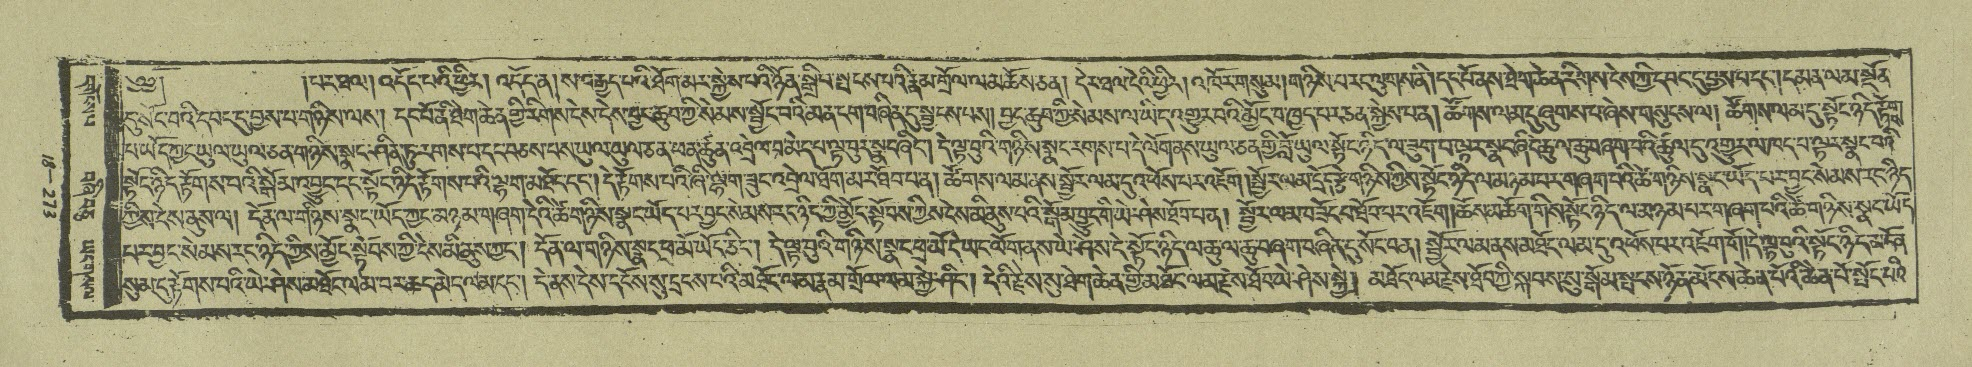༄༅། །པར་ཐལ། འདོད་པའི་ཕྱིར། འདོད་ན། ས་བརྒྱད་པའི་ཐོག་མར་སྐྱེས་པའི་ཉོན་སྒྲིབ་སྤངས་པའི་རྣམ་གྲོལ་ལམ་ཆོས་ཅན། དེར་ཐལ་དེའི་ཕྱིར། འཁོར་གསུམ། གཉིས་པ་རང་ལུགས་ནི། དང་པོ་ནས་ཐེག་ཆེན་རིགས་ངེས་ཀྱི་དབང་དུ་བྱས་པ་དང་། དམན་ལམ་སྔོན་
དུ་སོང་བའི་དབང་དུ་བྱས་པ་གཉིས་ལས། དང་པོ་ནི་ཐེག་ཆེན་གྱི་རིགས་ངེས་དེས་བྱང་ཆུབ་ཀྱི་སེམས་སྦྱོང་བའི་མན་ངག་བཞན་དུ་སྦྱངས་པས། བྱང་ཆུབ་ཀྱི་སེམས་ལ་ཡིད་འགྱུར་བའི་མྱོང་བ་ཁྱད་པར་ཅན་སྐྱེས་པ་ན། ཚོགས་ལམ་དུ་ཞུགས་པ་ཞེས་གསུངས་ལ། ཚོགས་ལམ་དུ་སྟོང་ཉིད་རྟོགས་
པ་ཡོད་ཀྱང་ཡུལ་ཡུལ་ཅན་གཉིས་སྣང་ཤིན་ཏུ་རགས་པ་དང་བཅས་པས་ཡུལ་ཡུལ་ཅན་ཕན་ཚུན་འབྲེལ་བ་མེད་པ་ལྟ་བུར་སྣང་ཞིང་། དེ་ལྟ་བུའི་གཉིས་སྣང་རགས་པ་དེ་ལོག་ནས་ཡུལ་ཅན་གྱི་བློ་ཡུལ་སྟོང་ཉིད་ལ་ཟུག་པ་ལྟར་སྣང་ཞིང་ཆུ་ལ་ཆུ་བཞག་པའི་ཚུལ་དུ་འགྱུར་ལ་ཁང་པ་ལྟར་སྣང་བའི་
སྟོང་ཉིད་རྟོགས་པའི་སྒོམ་འབྱུང་དང་སྟོང་ཉིད་རྟོགས་པའི་ལྷག་མཐོང་དང་། དེ་རྟོགས་པའི་ཞི་ལྷག་ཟུང་འབྲེལ་ཐོག་མར་ཐོབ་པ་ན། ཚོགས་ལམ་ནས་སྦྱོར་ལམ་དུ་འཕོས་པར་འཇོག །སྦྱོར་ལམ་དྲོད་རྩེ་གཉིས་ཀྱིས་སྟོང་ཉིད་ལ་མཉམ་པར་གཞག་པའི་ཚེ་གཉིས་སྣང་ཡོད་པར་བྱང་སེམས་རང་ཉིད་
ཀྱིས་ངེས་ནུས་ལ། དོན་ལ་གཉིས་སྣང་ཡོད་ཀྱང་མཉམ་གཞག་དེའི་ཚེ་གཉིས་སྣང་ཡོད་པར་བྱང་སེམས་རང་ཉིད་ཀྱི་མྱོང་སྟོབས་ཀྱིས་ངེས་མི་ནུས་པའི་སྒོམ་བྱུང་གི་ཡེ་ཤེས་ཐོབ་པ་ན། སྦྱོར་ལམ་བཟོད་པ་ཐོབ་པར་འཇོག །ཆོས་མཆོག་གིས་སྟོང་ཉིད་ལ་མཉམ་པར་གཞག་པའི་ཚེ་གཉིས་སྣང་ཡོད་
པར་བྱང་སེམས་རང་ཉིད་ཀྱིས་མྱོང་སྟོབས་ཀྱི་ངེས་མི་ནུས་ཀྱང་། དོན་ལ་གཉིས་སྣང་ཕྲ་མོ་ཡོད་ཅིང་། དེ་ལྟ་བུའི་གཉིས་སྣང་ཕྲ་མོ་དེ་ཡང་ལོག་ནས་ཡེ་ཤེས་དེ་སྟོང་ཉིད་ལ་ཆུ་ལ་ཆུ་བཞག་བཞིན་དུ་སོང་བ་ན། སྦྱོར་ལམ་ནས་མཐོང་ལམ་དུ་འཕོས་པར་འཇོག་གོ། །ད་ལྟ་བུའི་སྟོང་ཉིད་མངོན་
སུམ་དུ་རྟོགས་པའི་ཡེ་ཤེས་མཐོང་ལམ་བར་ཆད་མེད་ལམ་དང་། དེ་ནས་དེས་དངོས་སུ་དྲངས་པའི་མཐོང་ལམ་རྣམ་གྲོལ་ལམ་སྐྱེ་ཤིང་། དེའི་རྗེས་སུ་ཐེག་ཆེན་གྱི་མཐོང་ལམ་རྗེས་ཐོབ་ཡེ་ཤེས་སྐྱེ། མཐོང་ལམ་རྗེས་ཐོབ་ཀྱི་སྐབས་སུ་སྒོམ་སྤངས་ཉེན་མོངས་ཆེན་པོའི་ཆེན་པོ་སྤོང་བའི་